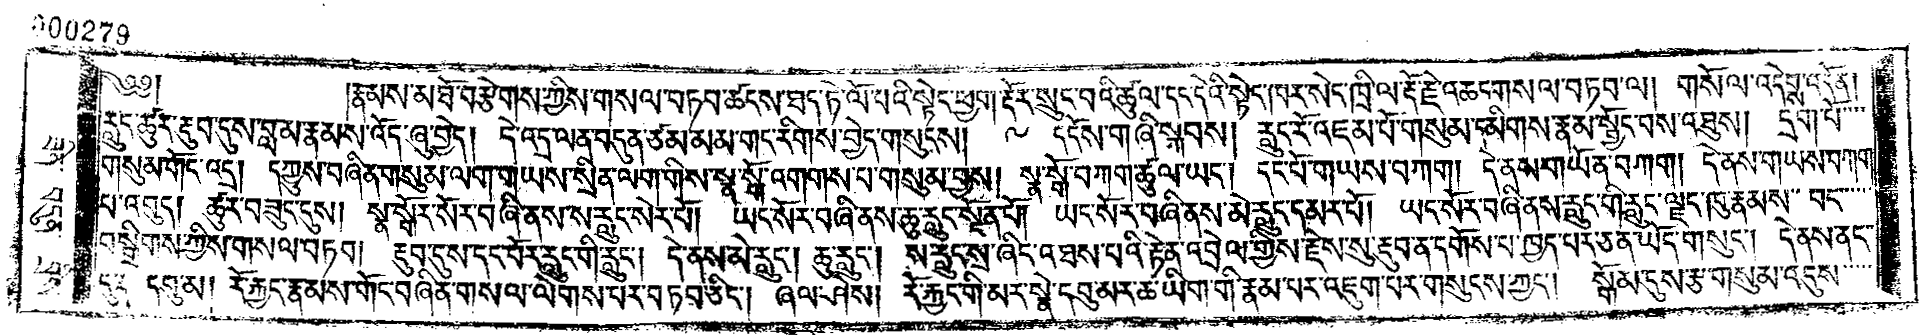༄༅། །རྣམས་མཐོ་བརྩེགས་ཀྱིས་གསལ་བཏབ་ཚངས་ཐད་ཏེ་ལོ་པའི་སྟེང་ཕྱག་རྡོར་སྲུང་བའི་ཚུལ་དང་དེའི་སྟེང་ཁར་སེང་ཁྲི་ལ་རྡོ་རྗེ་འཆང་གསལ་བཏབ་ལ། གསོལ་འདེབས་འདོན།
རླུང་ཚུར་རྔུབ་དུས་བླ་མ་རྣམས་འོད་ཞུ་བྱེད། དེ་འདྲ་ལན་བདུན་ཙམ་མམ་གང་རིགས་བྱེད་གསུངས། ༧་དངོས་གཞི་སྐབས། རླུང་རོ་འཇམ་པོ་གསུམ་དམིགས་རྣམ་སྦྱོང་བས་འཐུས། དྲག་པོ་
གསུམ་གོང་འདྲ། དཀྱུས་བཞིན་གསུམ་ལག་གཡས་སྲིན་ལག་གིས་སྣ་སྒོ་འགགས་པ་གསུམ་བྱས། སྣ་སྒོ་བཀག་ཚུལ་ཡང་། དང་པོ་གཡས་བཀག །དེ་ནས་གཡོན་བཀག །དེ་ནས་གཡས་བཀག་
པ་འབུད། ཚུར་བཟུང་དུས། སྣ་སྒོར་སོར་བཞི་ནས་ས་རླུང་སེར་པོ། ཡང་སོར་བཞི་ནས་ཆུ་རླུང་སྔོན་པོ། ཡང་སོར་བཞི་ནས་མེ་རླུང་དམར་པོ། ཡང་སོར་བཞི་ནས་རླུང་གི་རླུང་ལྗང་ཁུ་རྣམས་བང་
བསྒྲིགས་ཀྱིས་གསལ་བཏབ། རྔུབ་དུས་དང་པོར་རླུང་གི་རླུང་། དེ་ནས་མེ་རླུང་། ཆུ་རླུང་། ས་རླུང་སྲ་ཞིང་འཐས་པའི་རྟེན་འབྲེལ་གྱིས་རྗེས་སུ་རྔུབ་ན་དགོས་པ་ཁྱད་པར་ཅན་ཡོད་གསུང་། དེ་ནས་ནང་
དུ༑ དབུ་མ། རོ་རྐྱང་རྣམས་གོང་བཞིན་གསལ་ལེགས་པར་བཏབ་ཅིང་། ཞལ་ཤེས། རོ་རྐྱང་གི་མར་སྣེ་དབུ་མར་ཆ་ཡིག་གི་རྣམ་པར་འཇུག་པར་གསུངས་ཀྱང་། སྒོམ་དུས་རྩ་གསུམ་འདུས་